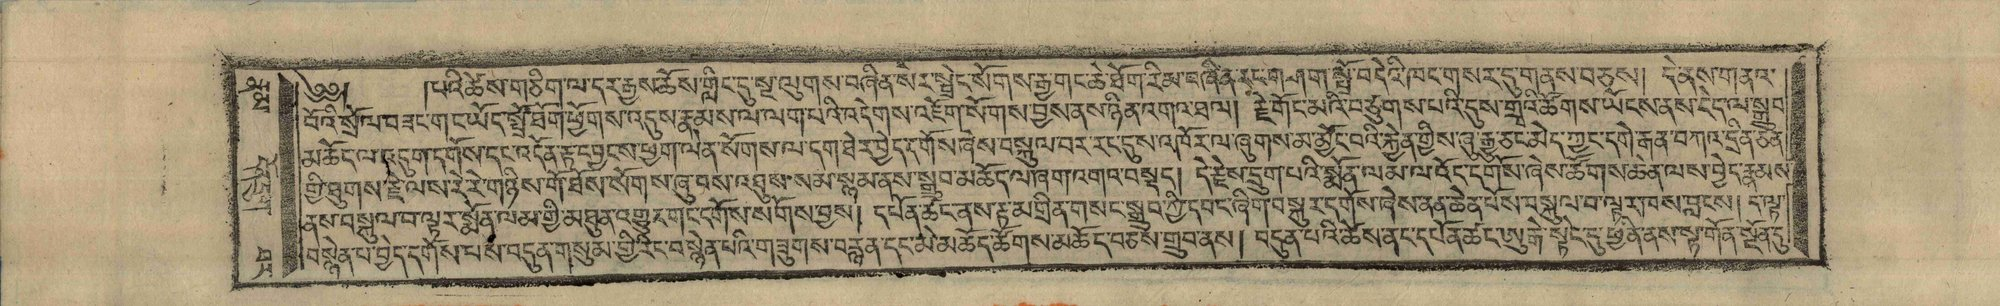༄༅། །པའི་ཚེས་གཅིག་ལ་དར་རྒྱས་ཆོས་གླིང་དུ་སྔ་ལུགས་བཞིན་སེར་སྦྲེང་སོགས་རྒྱ་གང་ཆེ་ཐོག་རིམ་བཞིན་རང་གཤག་སྤྲོ་བདེའི་ཁང་གསར་དུ་གནས་བཅས། དེ་ནས་གནང་
པོའི་སྲོལ་བཟང་གང་ཡོད་སྤྲོ་ཐོག་ཕྱོགས་འདུས་རྣམས་ལ་ལག་པའི་འདེགས་འཇོག་སོགས་བྱས་ནས་ཉིན་འགའ་ཐལ། རྗེ་གོང་མའི་བཙུགས་པའི་དུས་གྲྭའི་ཚོགས་ཡོངས་ནས་ངེད་ལ་སྒྲུབ་
མཆོད་ལ་འདུག་དགོས་དང་འདོན་རྟ་དབྱངས་ཕྱག་ལེན་སོགས་ལ་དག་ཐེར་བྱེད་དགོས་ཞེས་བསྐུལ་བར་རང་དུས་འཁོར་ལ་ཞུགས་མ་མྱོང་བའི་རྐྱེན་གྱིས་ཞུ་རྒྱུ་ཅང་མེད་ཀྱང་དགེ་རྒན་བཀའ་དྲིན་ཅན་
གྱི་ཐུགས་རྗེ་ལས་རེ་རེ་གཉིས་གོ་ཐོས་སོགས་ཞུ་བས་འཐུས་སམ་སྙམ་ནས་སྒྲུབ་མཆོད་ལ་ཞག་འགའ་བསྡད། དེ་རྗེས་དྲུག་པའི་སྨོན་ལམ་ལ་འོང་དགོས་ཞེས་ཚོགས་ཆེན་ལས་བྱེད་རྣམས་
ནས་བསྐུལ་བ་ལྟར་སྨོན་ལམ་གྱི་མཐུན་འགྱུར་གང་དགོས་སོགས་བྱས། དཔོན་ཚང་ནས་རྟ་མགྲིན་གསང་སྒྲུབ་ཀྱི་དབང་ཞིག་བསྐུར་དགོས་ཞེས་ནན་ཆེན་པོས་བསྐུལ་བ་ལྟར་ཁས་བླངས། ད་ལྟ་
བསྙེན་པ་བྱེད་དགོས་པས་བདུན་གསུམ་གྱི་རིང་བསྙེན་པའི་གཟུགས་བརྙན་དང་མེ་མཆོད་ཚོགས་མཆོད་བཅས་གྲུབ་ནས། བདུན་པའི་ཚེས་ནང་དཔོན་ཚང་ཨུ་རྒེ་སྟེང་དུ་ཕྱིན་ནས་སྟ་གོན་སྔོན་དུ་